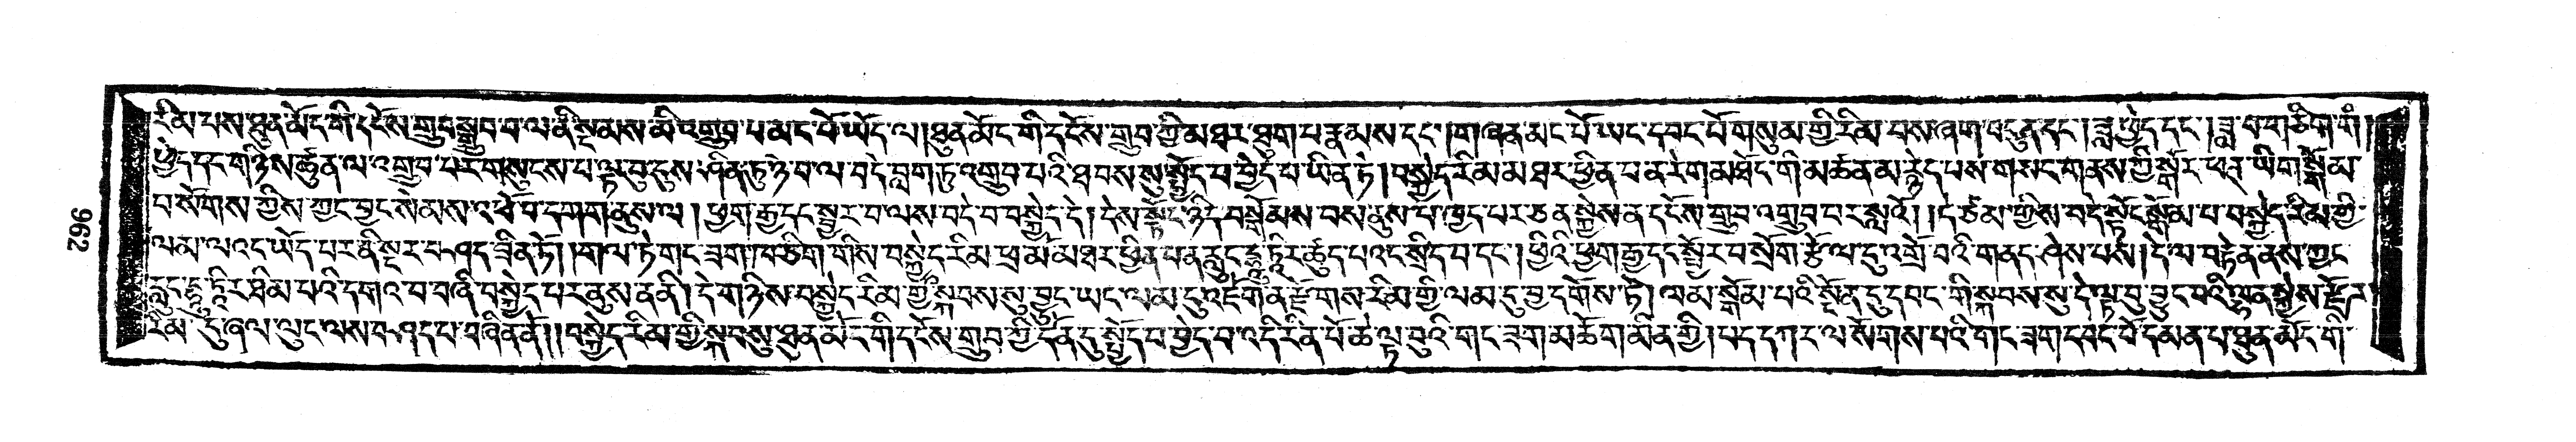རིམ་པས་ཐུན་མོང་གི་དངོས་གྲུབ་སྒྲུབ་པ་ལ་ནི་སྔ་མས་མི་འགྲུབ་པ་མང་པོ་ཡོད་ལ། ཐུན་མོང་གི་དངོས་གྲུབ་ཀྱི་མཐར་ཐུག་པ་རྣམས་དང་། གཞན་མང་པོ་ཡང་དབང་པོ་གསུམ་གྱི་རིམ་པས་ཞག་བདུན་དང་། ཟླ་ཕྱེད་དང་། ཟླ་བ་གཅིག་གམ།
ཕྱེད་དང་གཉིས་ཚུན་ལ་འགྲུབ་པར་གསུངས་པ་ལྟ་བུ་དུས་ཤིན་ཏུ་ཉེ་བ་ལ་བདེ་བླག་ཏུ་འགྲུབ་པའི་ཐབས་སུ་སྤྱོད་པ་བྱེད་པ་ཡིན་ཏེ། བསྐྱེད་རིམ་མཐར་ཕྱིན་པ་ན་རེག་མཐོང་གི་མཚན་མ་རྙེད་པས་གསང་གནས་ཀྱི་སྒོར་ཕགས་ཡིག་སྒོམ་
པ་སོགས་ཀྱིས་ཀྱང་བྱང་སེམས་འཕོ་བ་དགག་ནུས་ལ། ཕྱག་རྒྱ་དང་སྦྱོར་བ་ལས་བདེ་བ་བསྐྱེད་དེ། དེས་སྟོང་ཉིད་བསྒོམས་པས་ནུས་པ་ཁྱད་པར་ཅན་སྐྱེས་ན་དངོས་གྲུབ་འགྲུབ་པར་སླའོ། །དེ་ཙམ་གྱིས་བདེ་སྟོང་སྒོམ་པ་བསྐྱེད་རིམ་གྱི་
ལམ་ལའང་ཡོད་པར་ནི་སྔར་བཤད་ཟིན་ཏོ། །གལ་ཏེ་གང་ཟག་ཁ་ཅིག་གིས་བསྐྱེད་རིམ་ཕྲ་མོ་མཐར་ཕྱིན་པ་ན་རླུང་དྷཱུ་ཏཱིར་ཚུད་པའང་སྲིད་བ་དང་། ཕྱིའི་ཕྱག་རྒྱ་དང་སྦྱོར་བ་སྲོག་རྩོལ་དུ་འགྲོ་བའི་གནད་ཤེས་པས། དེ་ལ་བརྟེན་ནས་ཀྱང་
རླུང་དྷཱུ་ཏཱིར་ཐིམ་པའི་དགའ་བ་བཞི་བསྐྱེད་པར་ནུས་ན་ནི། དེ་གཉིས་བསྐྱེད་རིམ་གྱི་སྐབས་སུ་བྱུང་ཡང་ལམ་དུ་འཇོག་ན་རྫོགས་རིམ་གྱི་ལམ་དུ་བྱ་དགོས་ཏེ། ལམ་སྒོམ་པའི་སྔོན་དུ་དབང་གི་སྐབས་སུ་དེ་ལྟ་བུ་བྱུང་བའི་ལྷན་སྐྱེས་རྫོགས་
རིམ་དུ་?་ཞལ་ལུང་ལས་བཤད་པ་བཞིན་ནོ། །བསྐྱེད་རིམ་གྱི་སྐབས་སུ་ཐུན་མོང་གི་དངོས་གྲུབ་ཀྱི་དོན་དུ་སྤྱོད་པ་བྱེད་པ་འདི་རིན་པོ་ཆེ་ལྟ་བུའི་གང་ཟག་མཆོག་མིན་གྱི། པད་དཀར་ལ་སོགས་པའི་གང་ཟག་དབང་པོ་དམན་པ་ཐུན་མོང་གི་